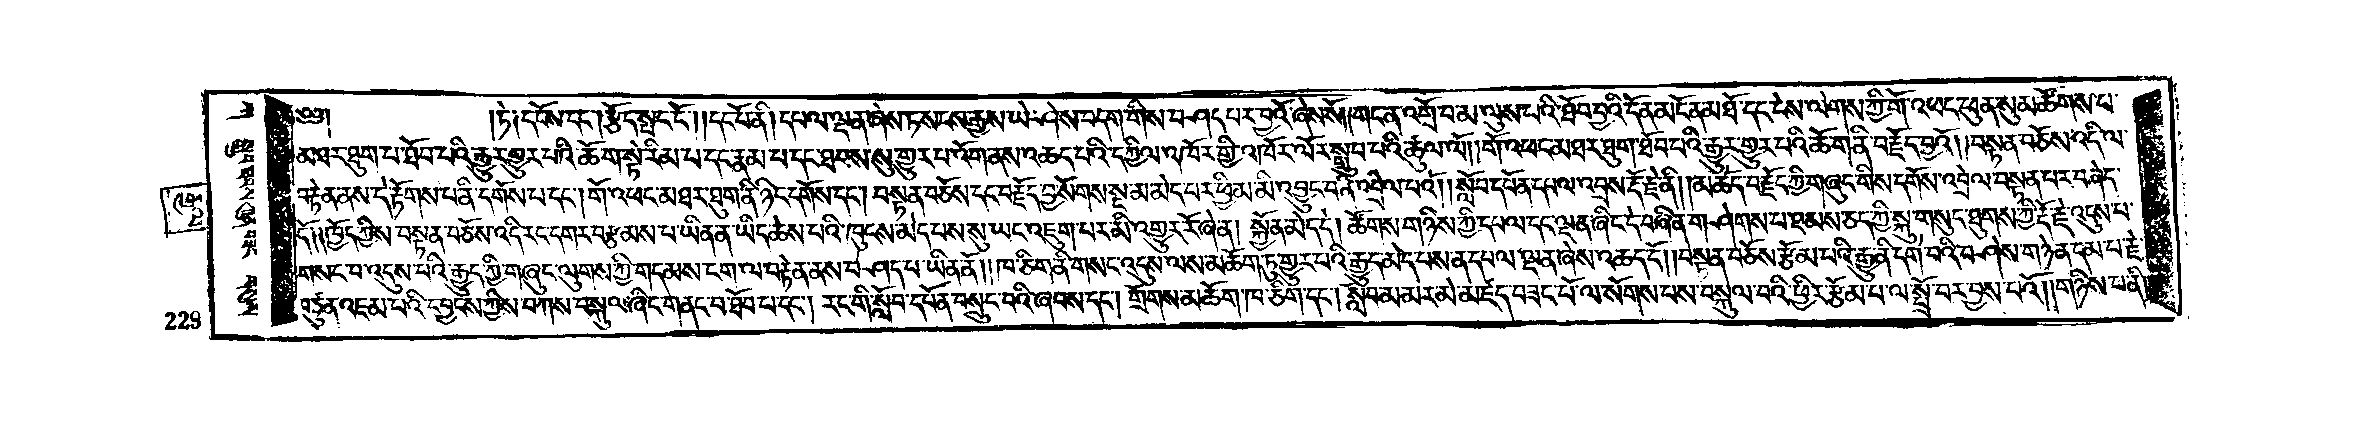༄༅། །ཏེ། དངོས་དང་། རྩོད་སྤང་ངོ། །དང་པོ་ནི། དཔལ་ལྡན་ཞེས་ཏ་སངས་རྒྱས་ཡེ་ཤེས་བདག་གིས་བཤད་པར་བྱའོ་ཞེས་སོ། །གང་ན་འགྲོ་བ་མ་ལུས་པའི་ཐོབ་བྱའི་དོན་མངོན་མཐོ་དང་ངེས་ལེགས་ཀྱི་གོ་འཕང་ཕུན་སུམ་ཚོགས་པ་
མཐར་ཐུག་པ་ཐོབ་པའི་རྒྱུར་གྱུར་པའི་ཆོ་ག་སྟེ་རིམ་པ་དང་རྣམ་པ་དང་ཐབས་སུ་གྱུར་པ་འོག་ནས་འཆད་པའི་དཀྱིལ་འཁོར་གྱི་འཁོར་ལོར་སྒྲུབ་པའི་ཚུལ་ལོ། །གོ་འཕང་མཐར་ཐུག་ཐོབ་པའི་རྒྱུར་གྱུར་པའི་ཆོ་ག་ནི་བརྗོད་བྱའོ། །བསྟན་བཅོས་འདི་ལ་
བརྟེན་ནས་དེ་རྟོགས་པ་ནི་དགོས་པ་དང་། གོ་འཕང་མཐར་ཐུག་ནི་ཉིང་དགོས་དང་། བསྟན་བཅོས་དང་བརྗོད་བྱ་སོགས་སྔ་མ་མེད་པར་ཕྱི་མ་མི་འབྱུང་བ་ནི་འབྲེལ་པའོ། །སློབ་དཔོན་དཔལ་འབྲས་རྡོ་རྗེ་ནི། །མཆོད་བརྗོད་ཀྱི་གཞུང་གིས་དགོས་འབྲེལ་བསྟན་པར་བཞེད་
དོ། །ཁྱོད་ཀྱིས་བསྟན་བཅོས་འདི་རང་དགར་བརྩམས་པ་ཡིན་ན་ཡིད་ཆེས་པའི་ཁུངས་མེད་པས་སུ་ཡང་འཇུག་པར་མི་འགྱུར་རོ་ཞེ་ན། སྐྱོན་མེད་དེ། ཚོགས་གཉིས་ཀྱི་དཔལ་དང་ལྡན་ཞིང་དེ་བཞིན་གཤེགས་པ་ཐམས་ཅད་ཀྱི་སྐུ་གསུང་ཐུགས་ཀྱི་རྡོ་རྗེ་འདུས་པ་
གསང་བ་འདུས་པའི་རྒྱུད་ཀྱི་གཟུང་ལུགས་ཀྱི་གདམས་ངག་ལ་བརྟེན་ནས་བཤད་པ་ཡིན་ནོ། །ཁ་ཅིག་ནི་གསང་འདུས་ལས་མཆོག་ཏུ་གྱུར་པའི་རྒྱུད་མེད་པས་ན་དཔལ་ལྡན་ཞེས་འཆད་དོ། །བསྟན་བཅོས་རྩོམ་པའི་རྒྱུ་ནི་དགེ་བའི་བཤེས་གཉེན་དམ་པ་རྗེ་
བཙུན་འཇམ་པའི་དབྱངས་ཀྱིས་བསྐས་བསྐུལ་ཟིང་གནང་བ་ཐོབ་པ་དང་། རང་གི་སློབ་དཔོན་བསྲུང་བའི་ཞབས་དང་། གྲོགས་མཆོག་ཁ་ཅིག་དང་། སློབ་མ་མར་མེ་མཛད་བཟང་པོ་ལ་སོགས་པས་བསྐུལ་བའི་ཕྱིར་རྩོམ་པ་ལ་སྤྲོ་བར་བྱས་པའོ། །གཉིས་པ་ནི་